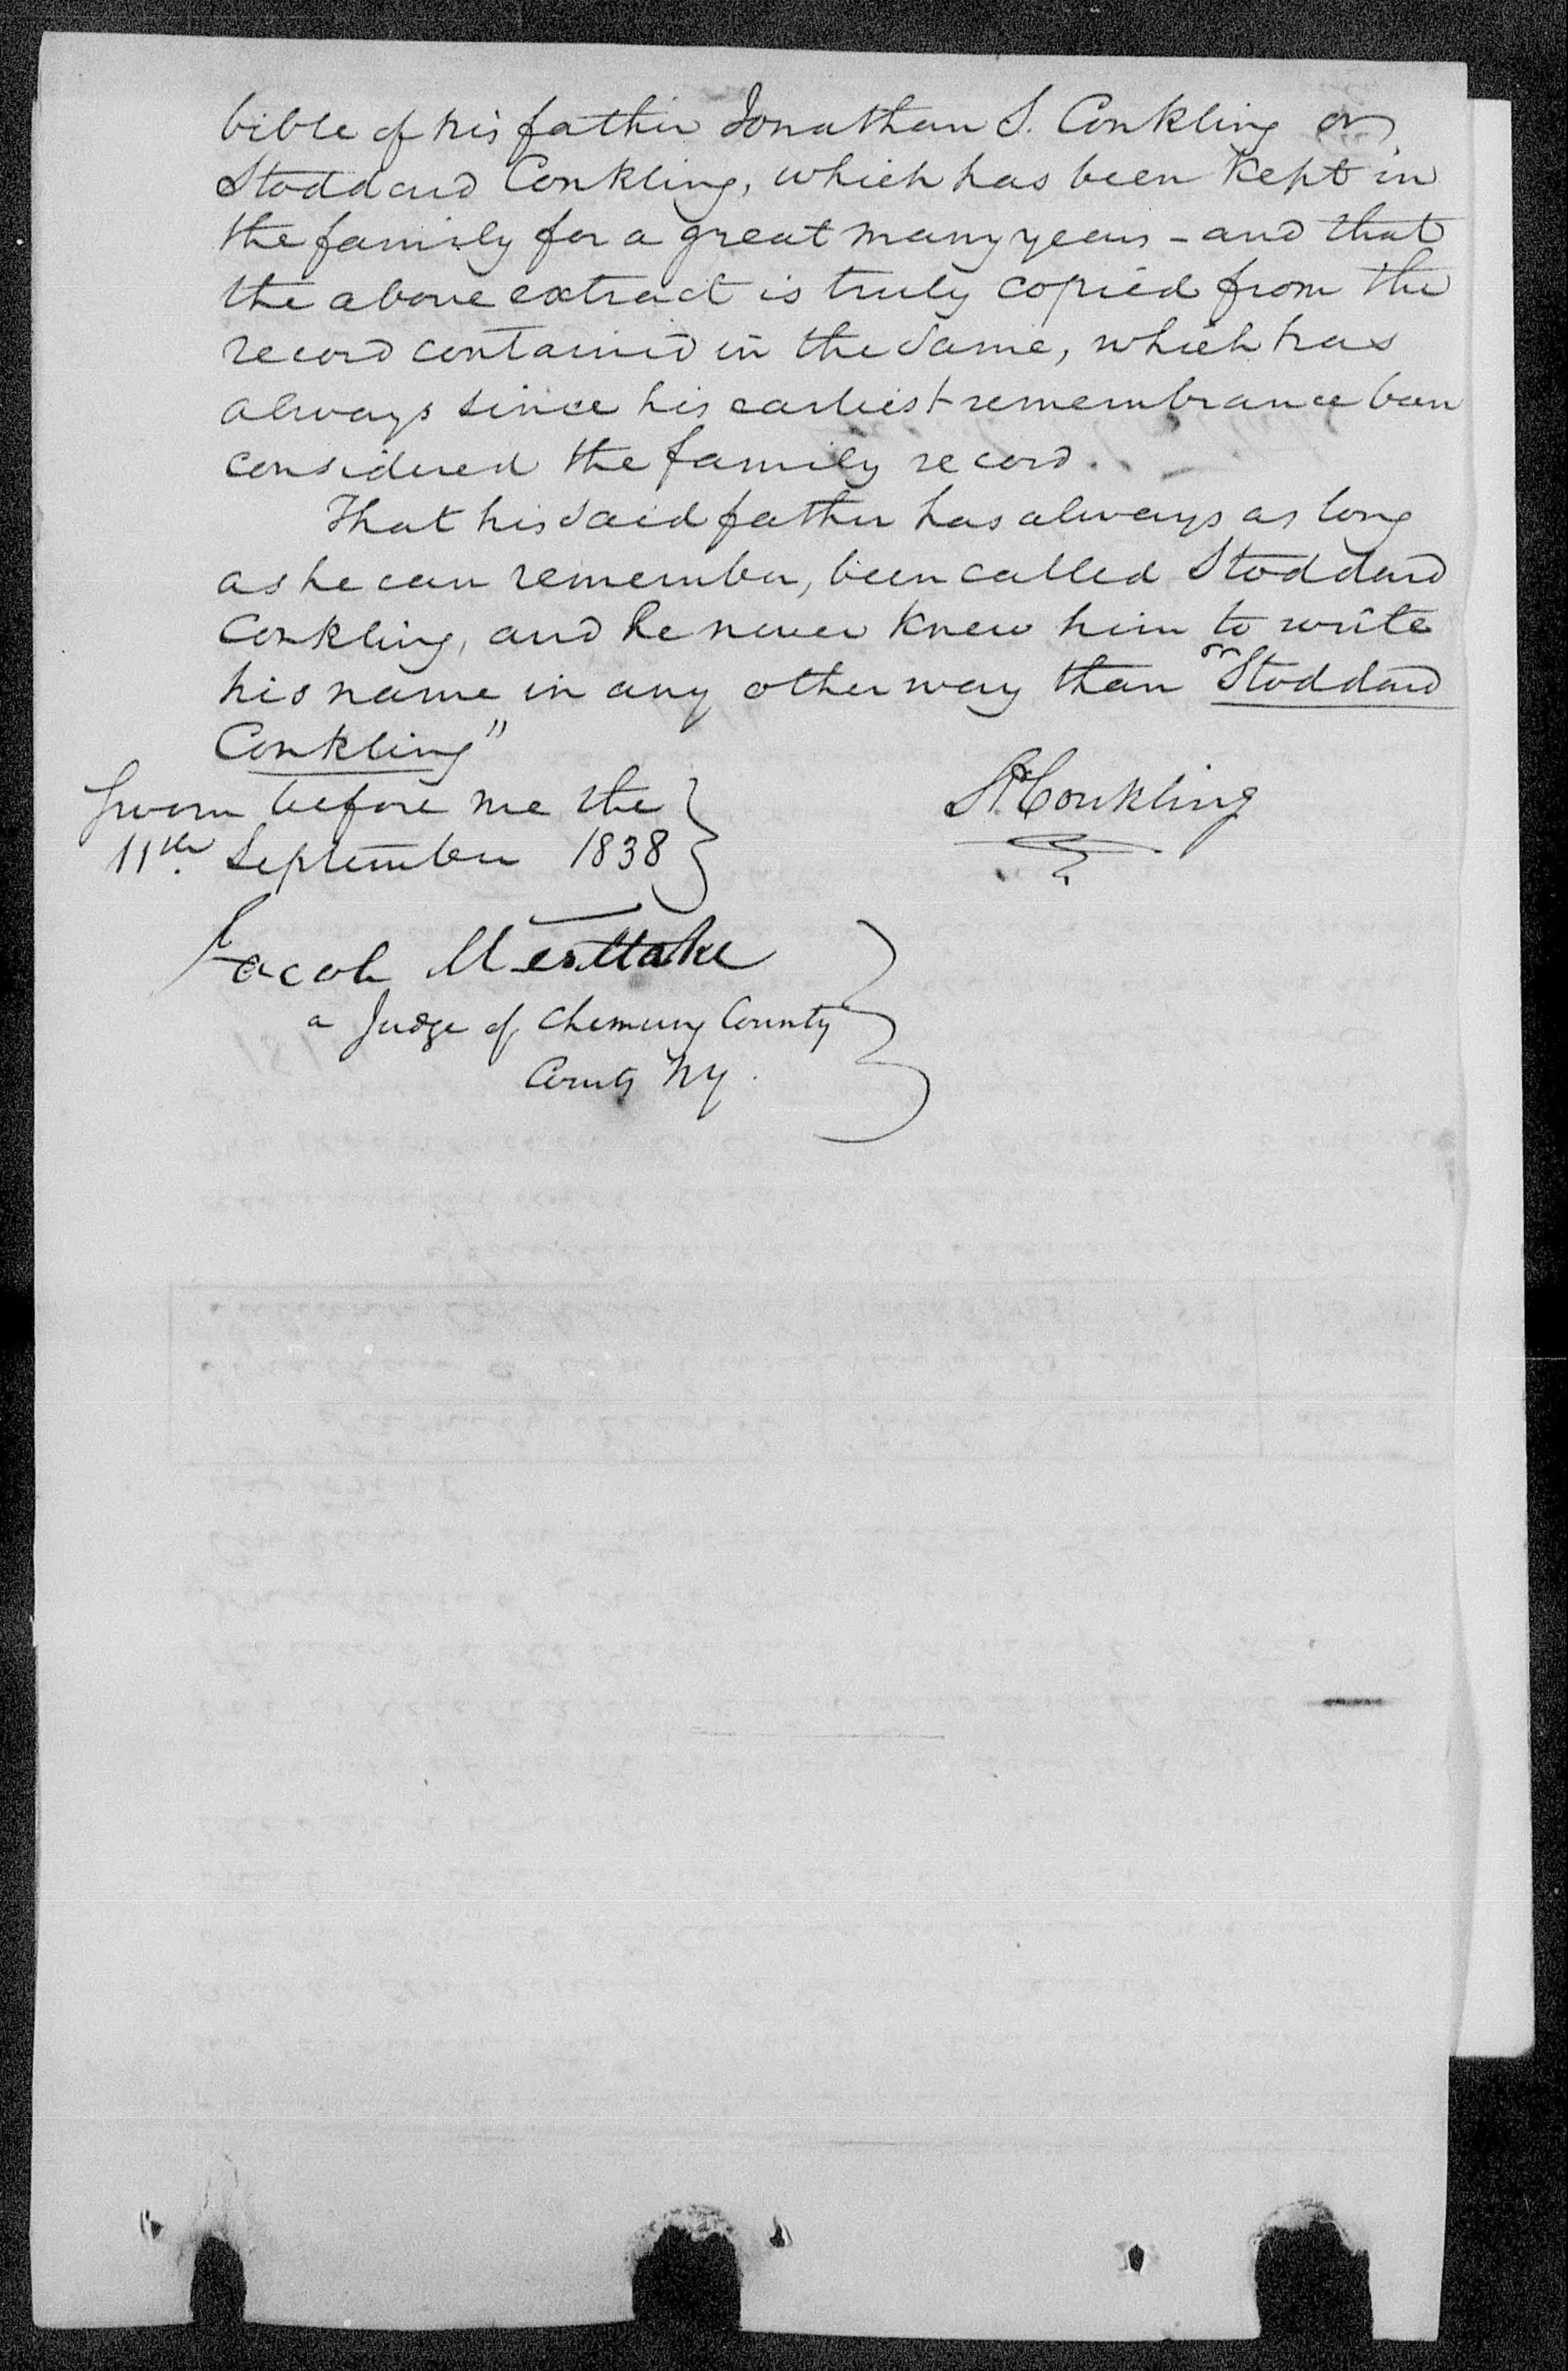bible of his father Jonathan S. Conkling or Stoddard Conkling, which has been kept in the family for a great many years- and that the above extract is truly copied from the record contained in the same, which has always since his earliest remembrance been considered the family record. 
That his said father has always as long as he can remember, been called Stoddard Conkling, and he never knew him to write his name in any other way than Stoddard Conkling"  S. Conkling
Sworn before me the 11th September 1838 
Jacob Westlake a Judge of Chemung County Courts NY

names: St Conkling, Stoddard Conkling, Stoddard Conkling, Jacob Westlake, Jonathan Conkling, Stoddard Conkling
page: 7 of 18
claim: widow's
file: W. 18,939, Jonathan S Conkling, New York